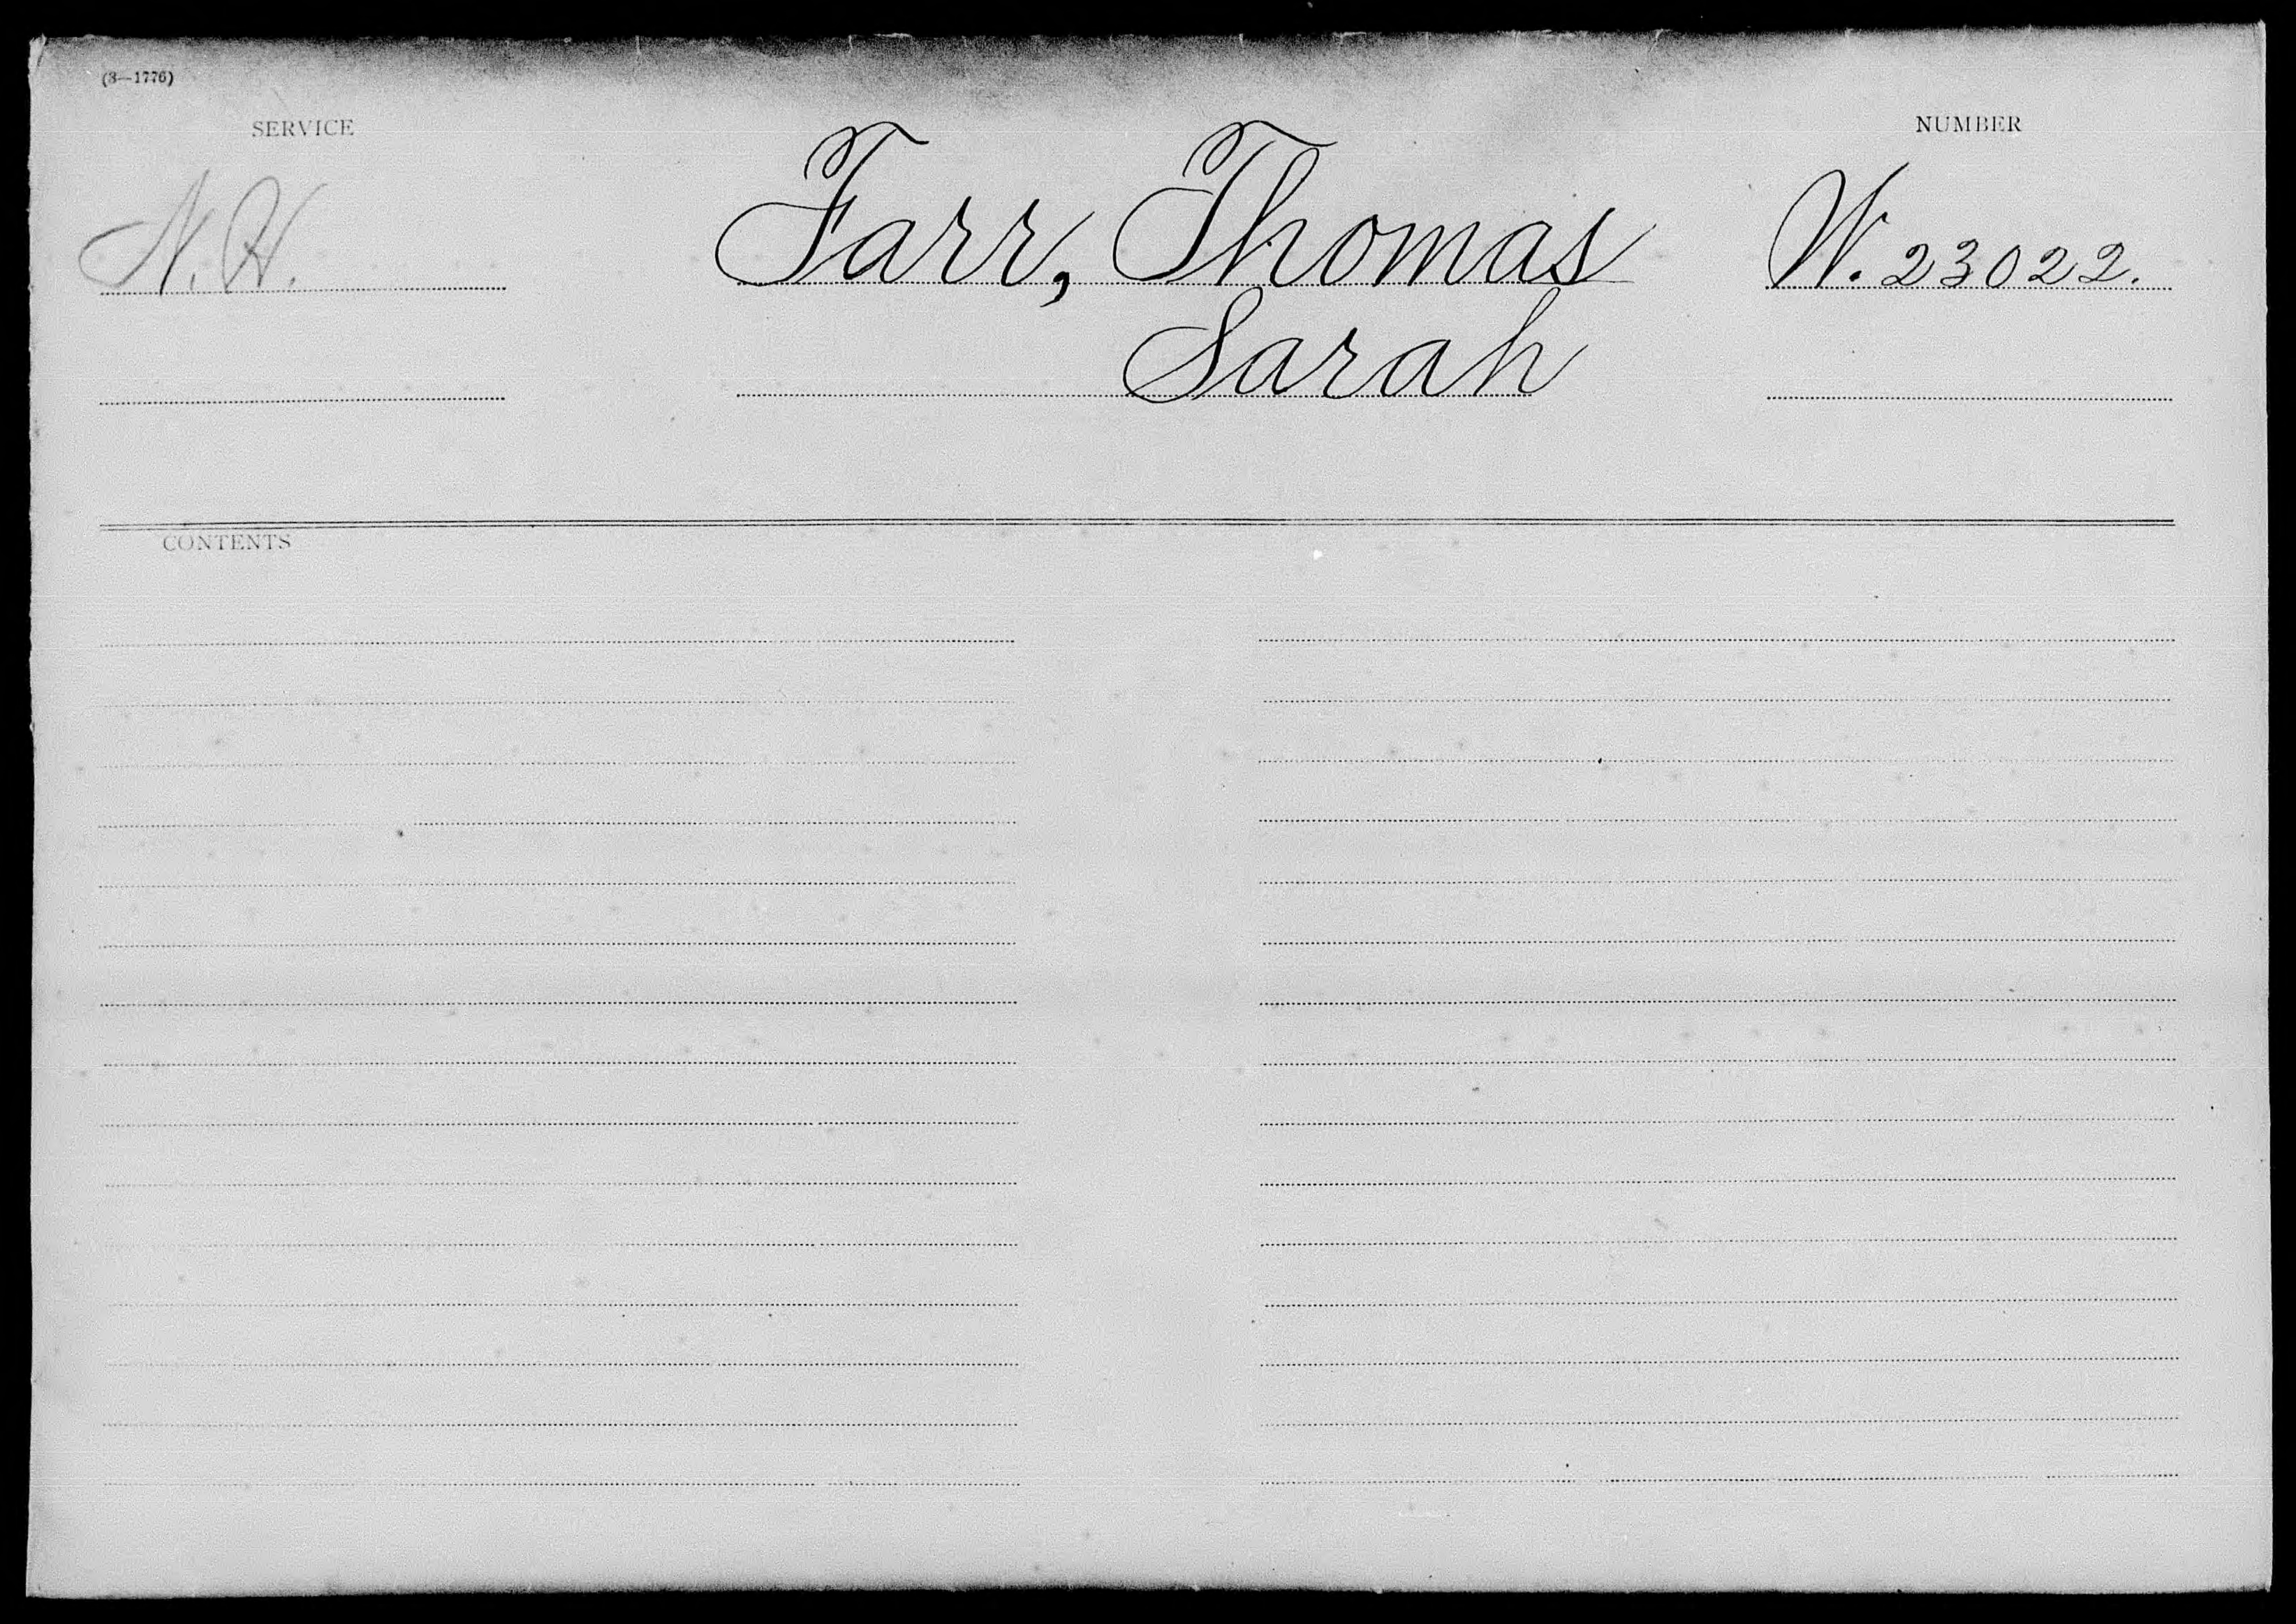(3-1776)

Service
NH

Farr, Thomas

Number
W23022

Sarah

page: 1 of 46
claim: widow's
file: W. 23022, Thomas Farr, N.H.